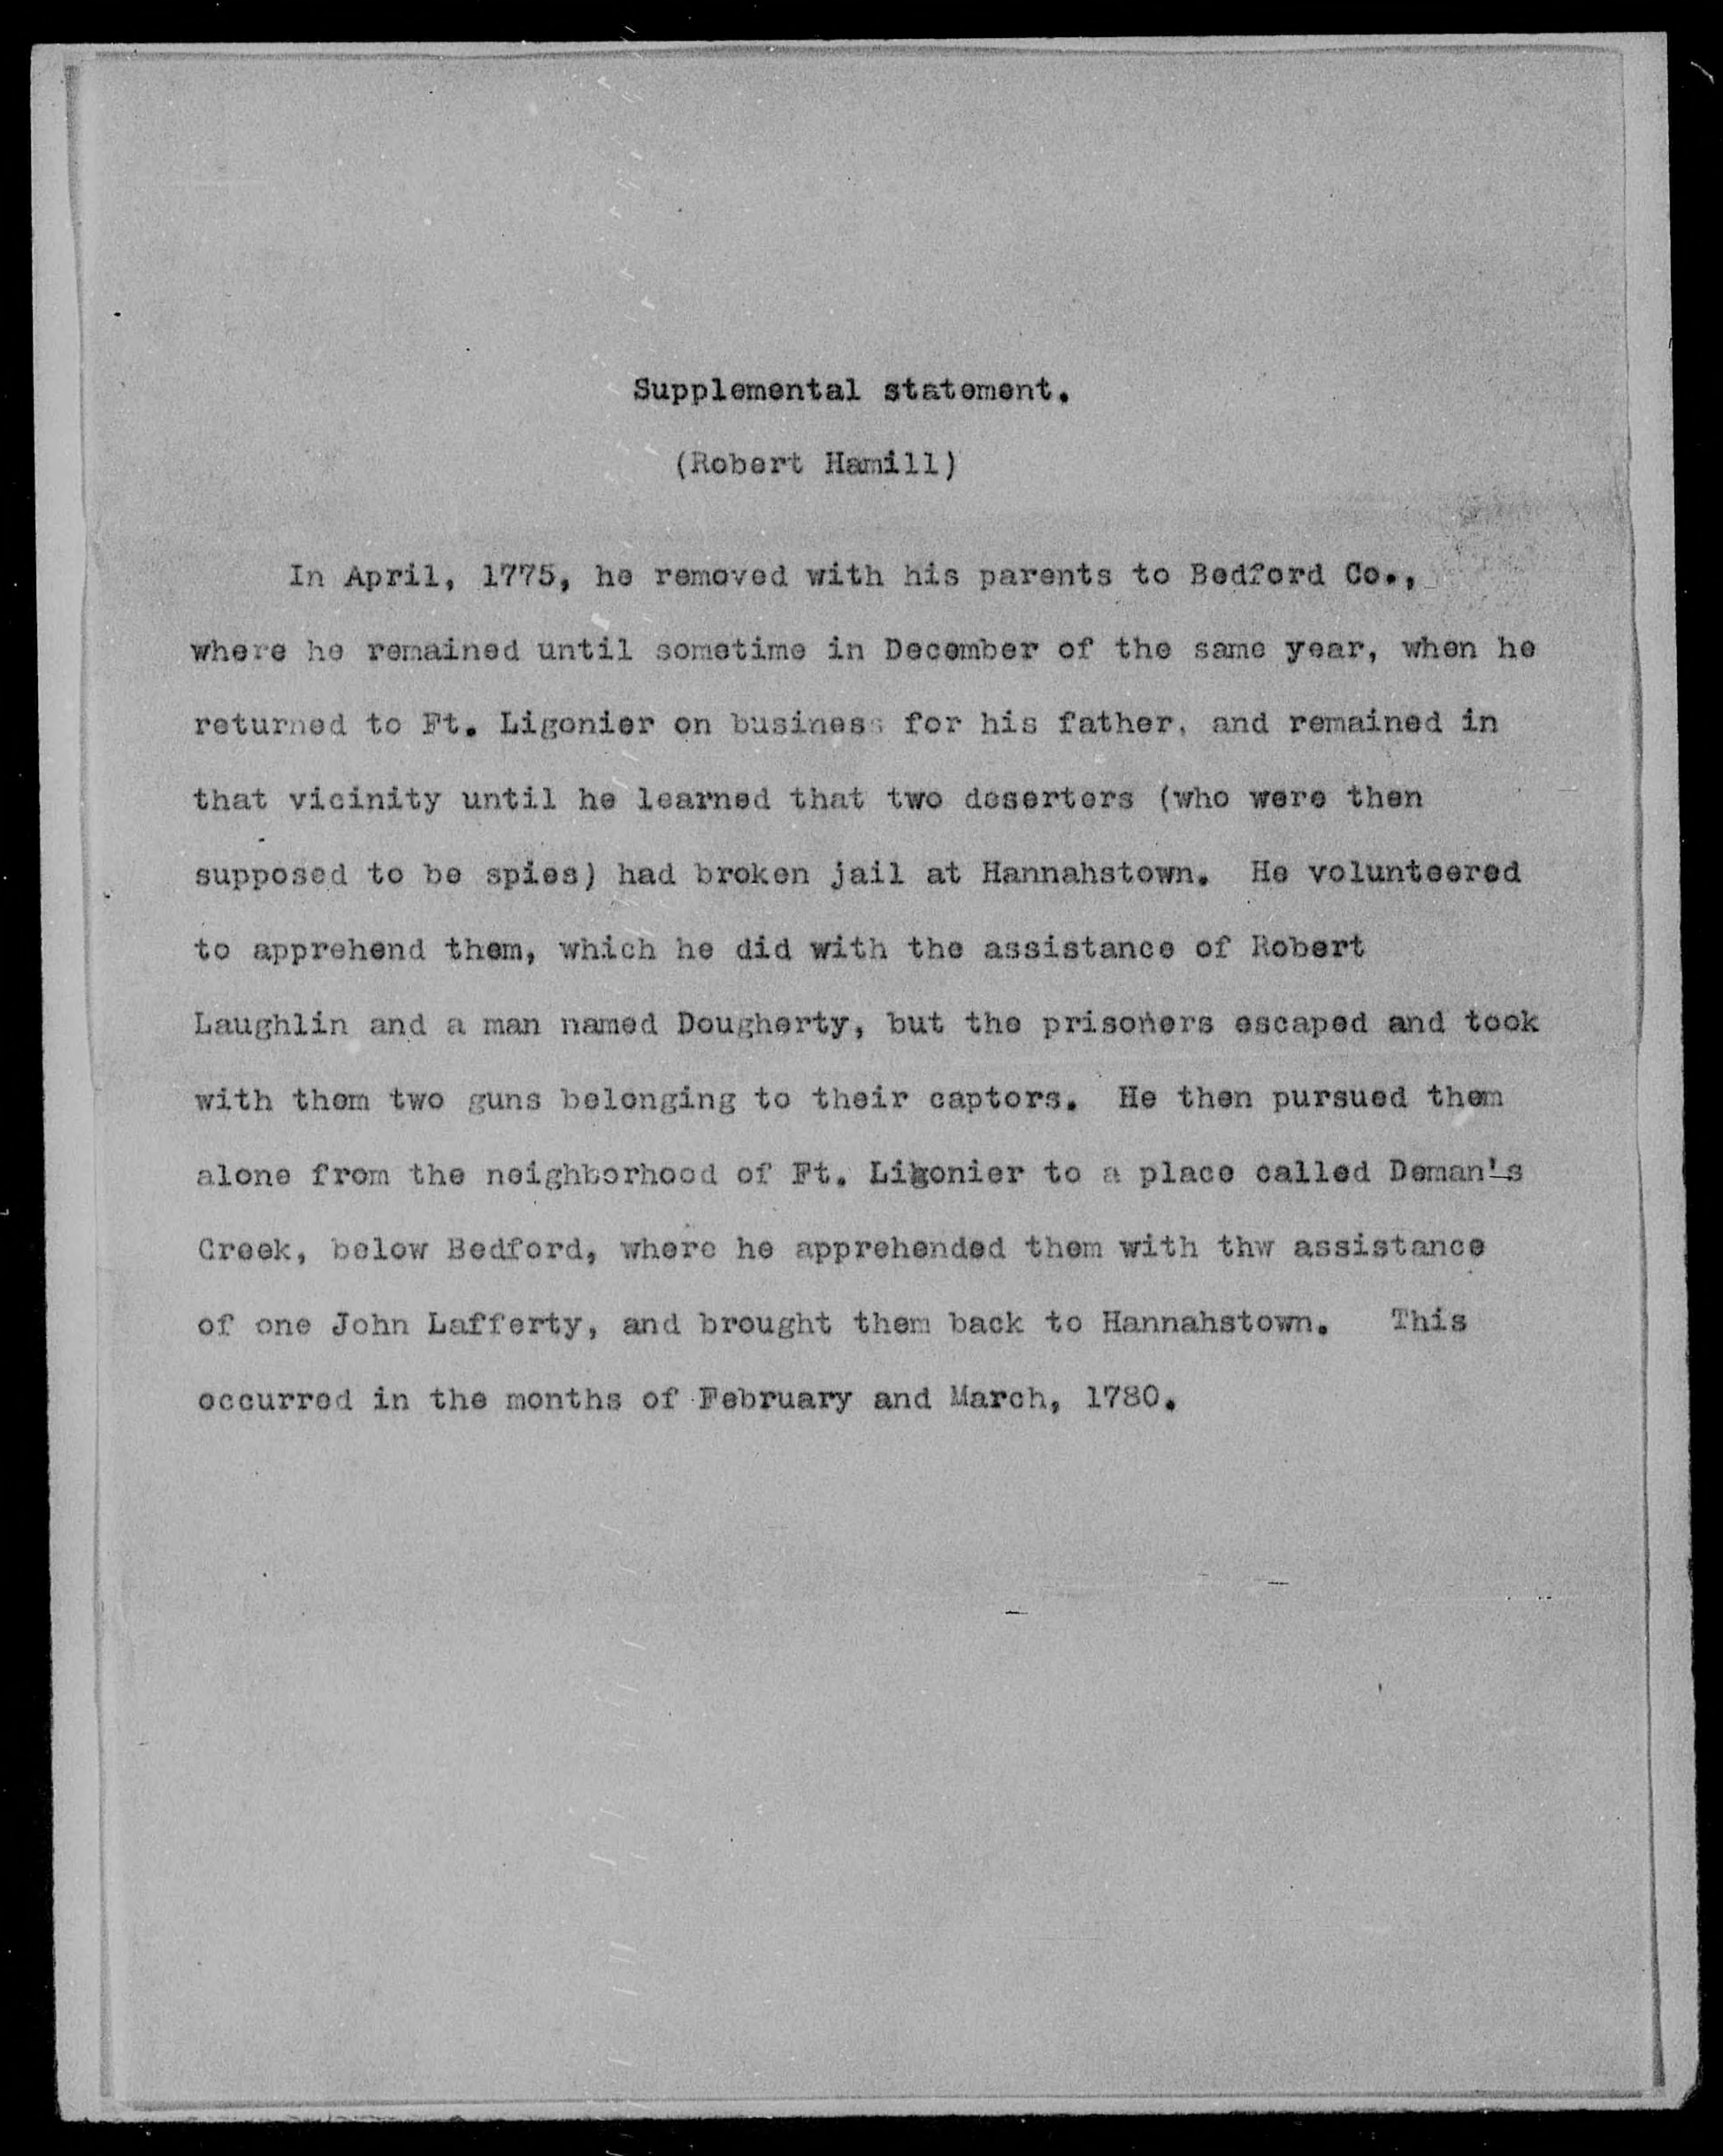Supplemental statement,
(Robert Hamill)
In April, 1775, he removed with his parents to Bedford Co.,
where he remained until sometime in December of the same year, when he
returned to Ft. Ligonier on business for his father, and remained in
that vicinity until he learned that two deserters (who were then
supposed to be spies) had broken jail at Hannahstown. He volunteered
to apprehend them, which he did with the assistance of Robert
Laughlin and a man named Dougherty, but the prisoners escaped and took
with them two guns belonging to their captors. He then pursued them
alone from the neighborhood of Ft. Ligonier to a place called Deman's
Creek, below Bedford, where he apprehended them with the assistance
of one John Lafferty, and brought them back to Hannahstown. This
occurred in the months of February and March, 1780.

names: Dougherty, Robert Hamill, Robert Laughlin, John Lafferty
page: 36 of 92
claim: widow's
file: W 1173, Robert Hamill, Penn.